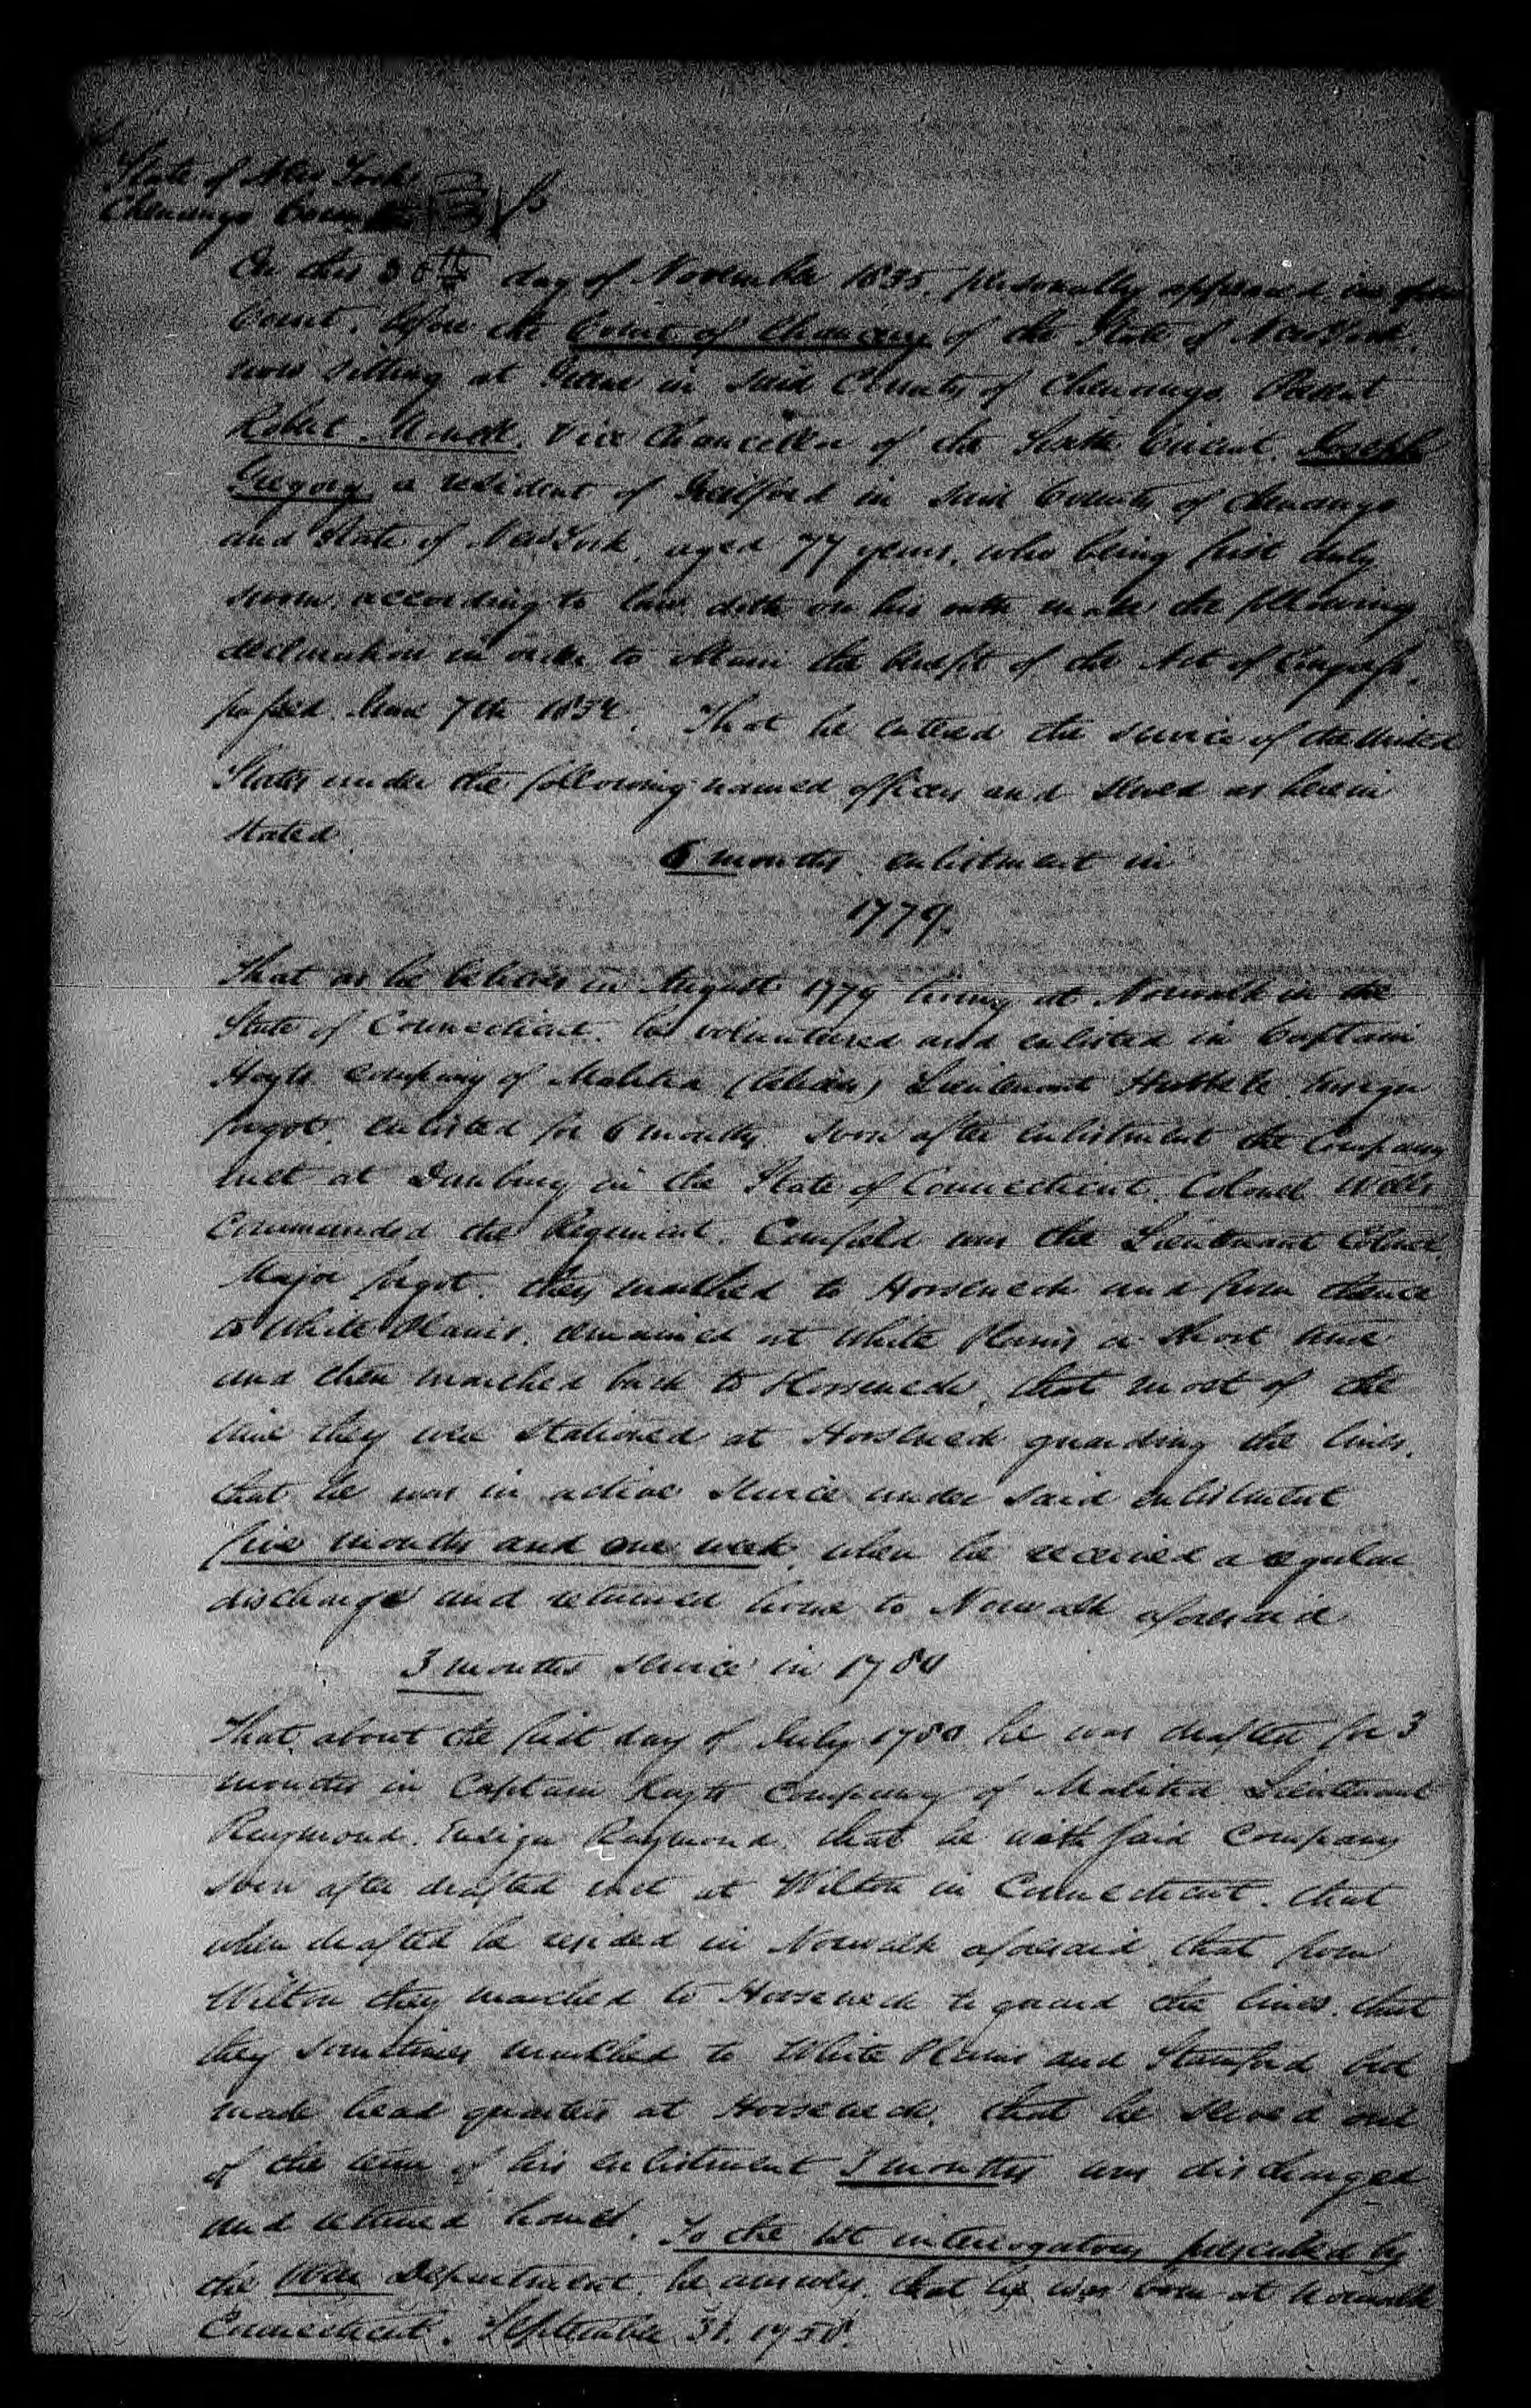State of New York
  .... County} Js
On this 20thd day of November 1835, personally appeared in open Court, before the Court of Chindaga[?]  of the State of New York, now sitting at [illegible] in said County of Chindaga [illegible word]  Robert Monell Vice Chancellor of the Fourth Circuit, Joseph Gregory a resident of  Guilford in the said County of Chindaga and State of New York, aged 77 years, who being first duly sworn according to law doth on his oath make the following declaration in order to obtain the benefit of the Act of Congress passed June 7th, 1832: That he entered the service of the United States under the following named officers and  served as having stated.               
                6 months enlistment in 1778
That as he believes in August 1779 living in Norwalk in the State of Connecticut he volunteered and enlisted in Captain Hoyts Company of Ateliers (Artillery) Lieutenant Hubbel, Ensign Sagot, enrolled for 6 months. Soon after Enlistment the Company [illegible] at Danbury in the State of Connecticut, Colonel Wells Commanded the Regiment. Canfield was the lieutenant, Clark Major Srgnt, they marched to Horseneck [sic] and from there to White Plains on that attack and then marched back to Horseneck    that most of the time they were stationed at Horseneck guarding the lines, that he served in active service under said  [illegible]  five months and one week [last five words underlined] when he received a regular discharge and returned home to Norwalk aforesaid -
         3 months served in 1780
That about the first day of July 1780 he was drafted for 3 months in Captain Hoyts.. Company of Militia Lieutenant Raymond, Ensign Raymond, that he with said Company soon after drafted [illegible] at Wilton in Connecticut, that when drafted he resided in Norwalk aforesaid, that from Wilton they marched to Horse Neck to guard the lines, that they sometimes marched to White Plains and Stamford but made head quarters at Horseneck.  that he served much of the time of his enlistment  3 months was discharged and returned home.  To the 1st interrogators prescribed by the War Department, he answers that he was born at Norwalk Connecticut, September 31, 1750.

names: Canfield, Robert Monell, Sagot, Wells, Hubbele, Raymond, Raymond, Joseph Gregory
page: 4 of 34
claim: widow's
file: W. 1596, Joseph Gregory, Conn.